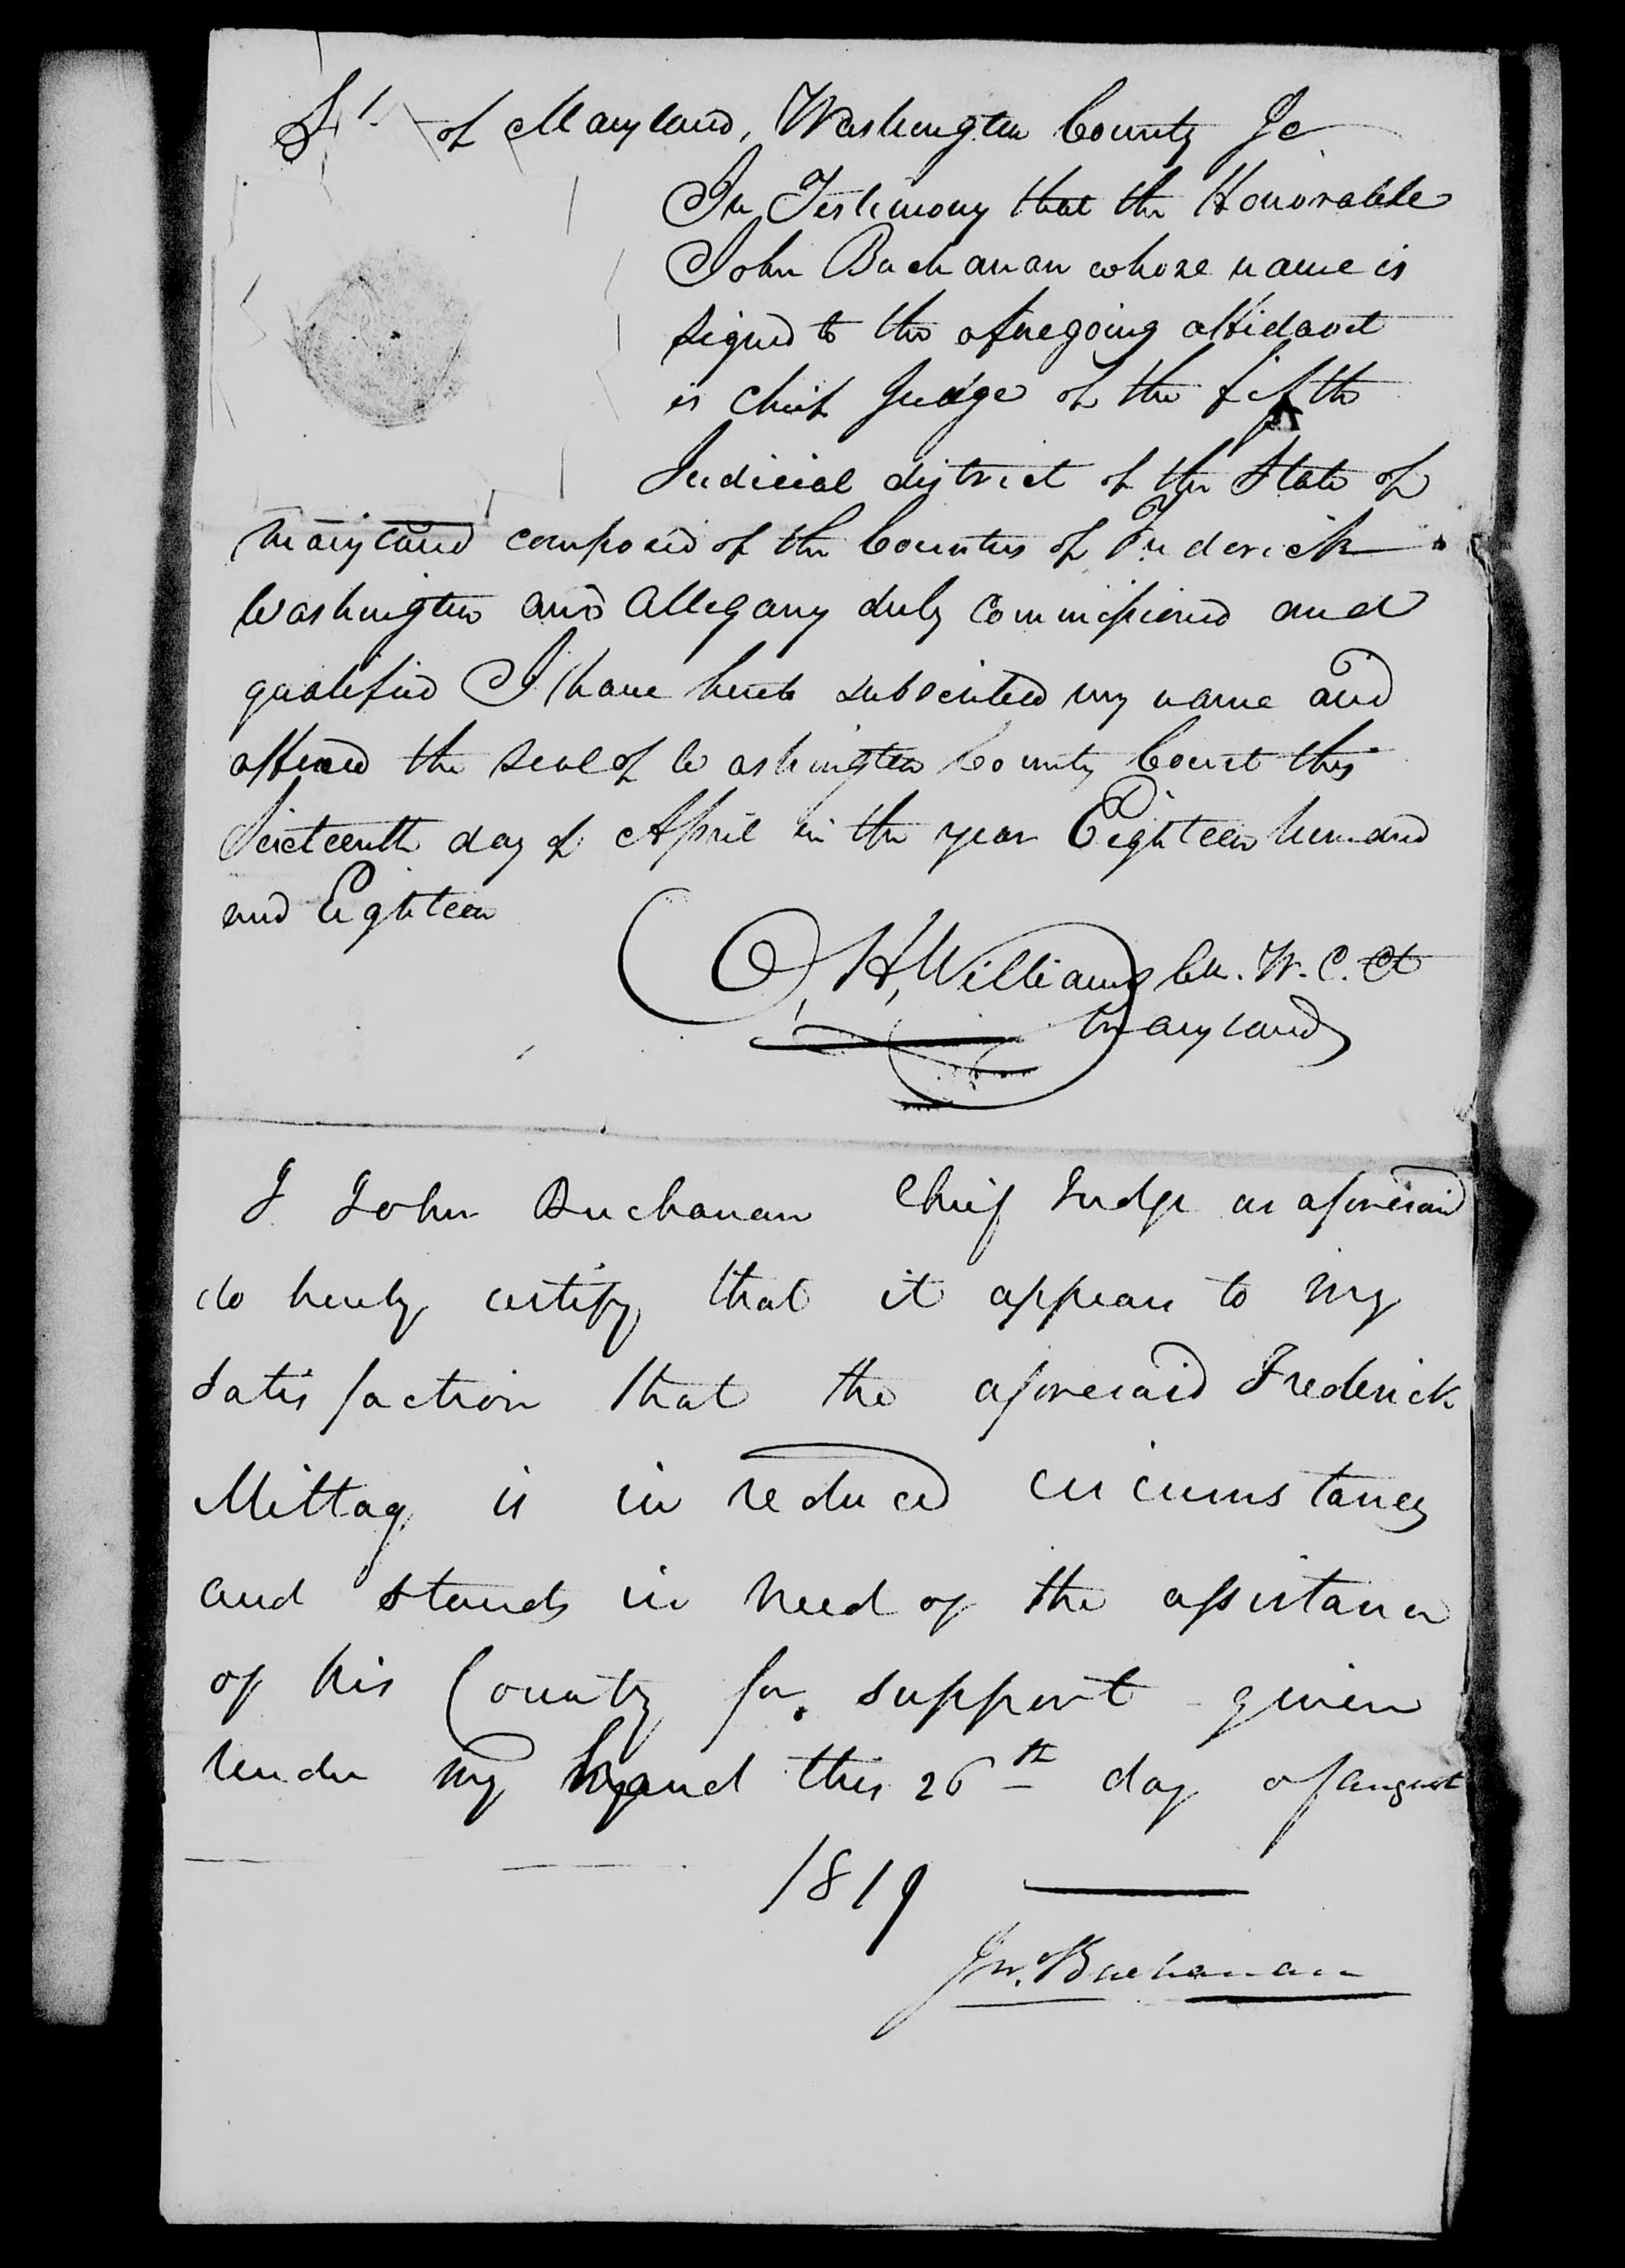S [State] of Maryland, Washington County Je

In Testimony that the Honorable John Bachanan whose name is signed to the aforegoing affidavit is Chief Judge of the fifth Judicial district of the State of Maryland composed of the Counties of Frederick, Washington and Allegany duly commissioned and qualified I have hereto subscribed my name and affixed the seal of Washington County Court this Sixteenth day of April in the year Eighteen hundred and Eighteen 

P H Williams Ck. W. C. Ct.
Maryland

I John Buchanan Chief Judge as aforesaid do hereby certify that it appears to my satisfaction that the aforesaid Frederick Mittag is in reduced circumstances and stands in need of the assistance of his County for support given under my hand this 26th day of August 

1819

Jno. Buchanan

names: Frederick Mittag; John Buchanan; P H Williams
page: 6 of 13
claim: survivor's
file: S. 34999, for Frederick Mittag, Maryland